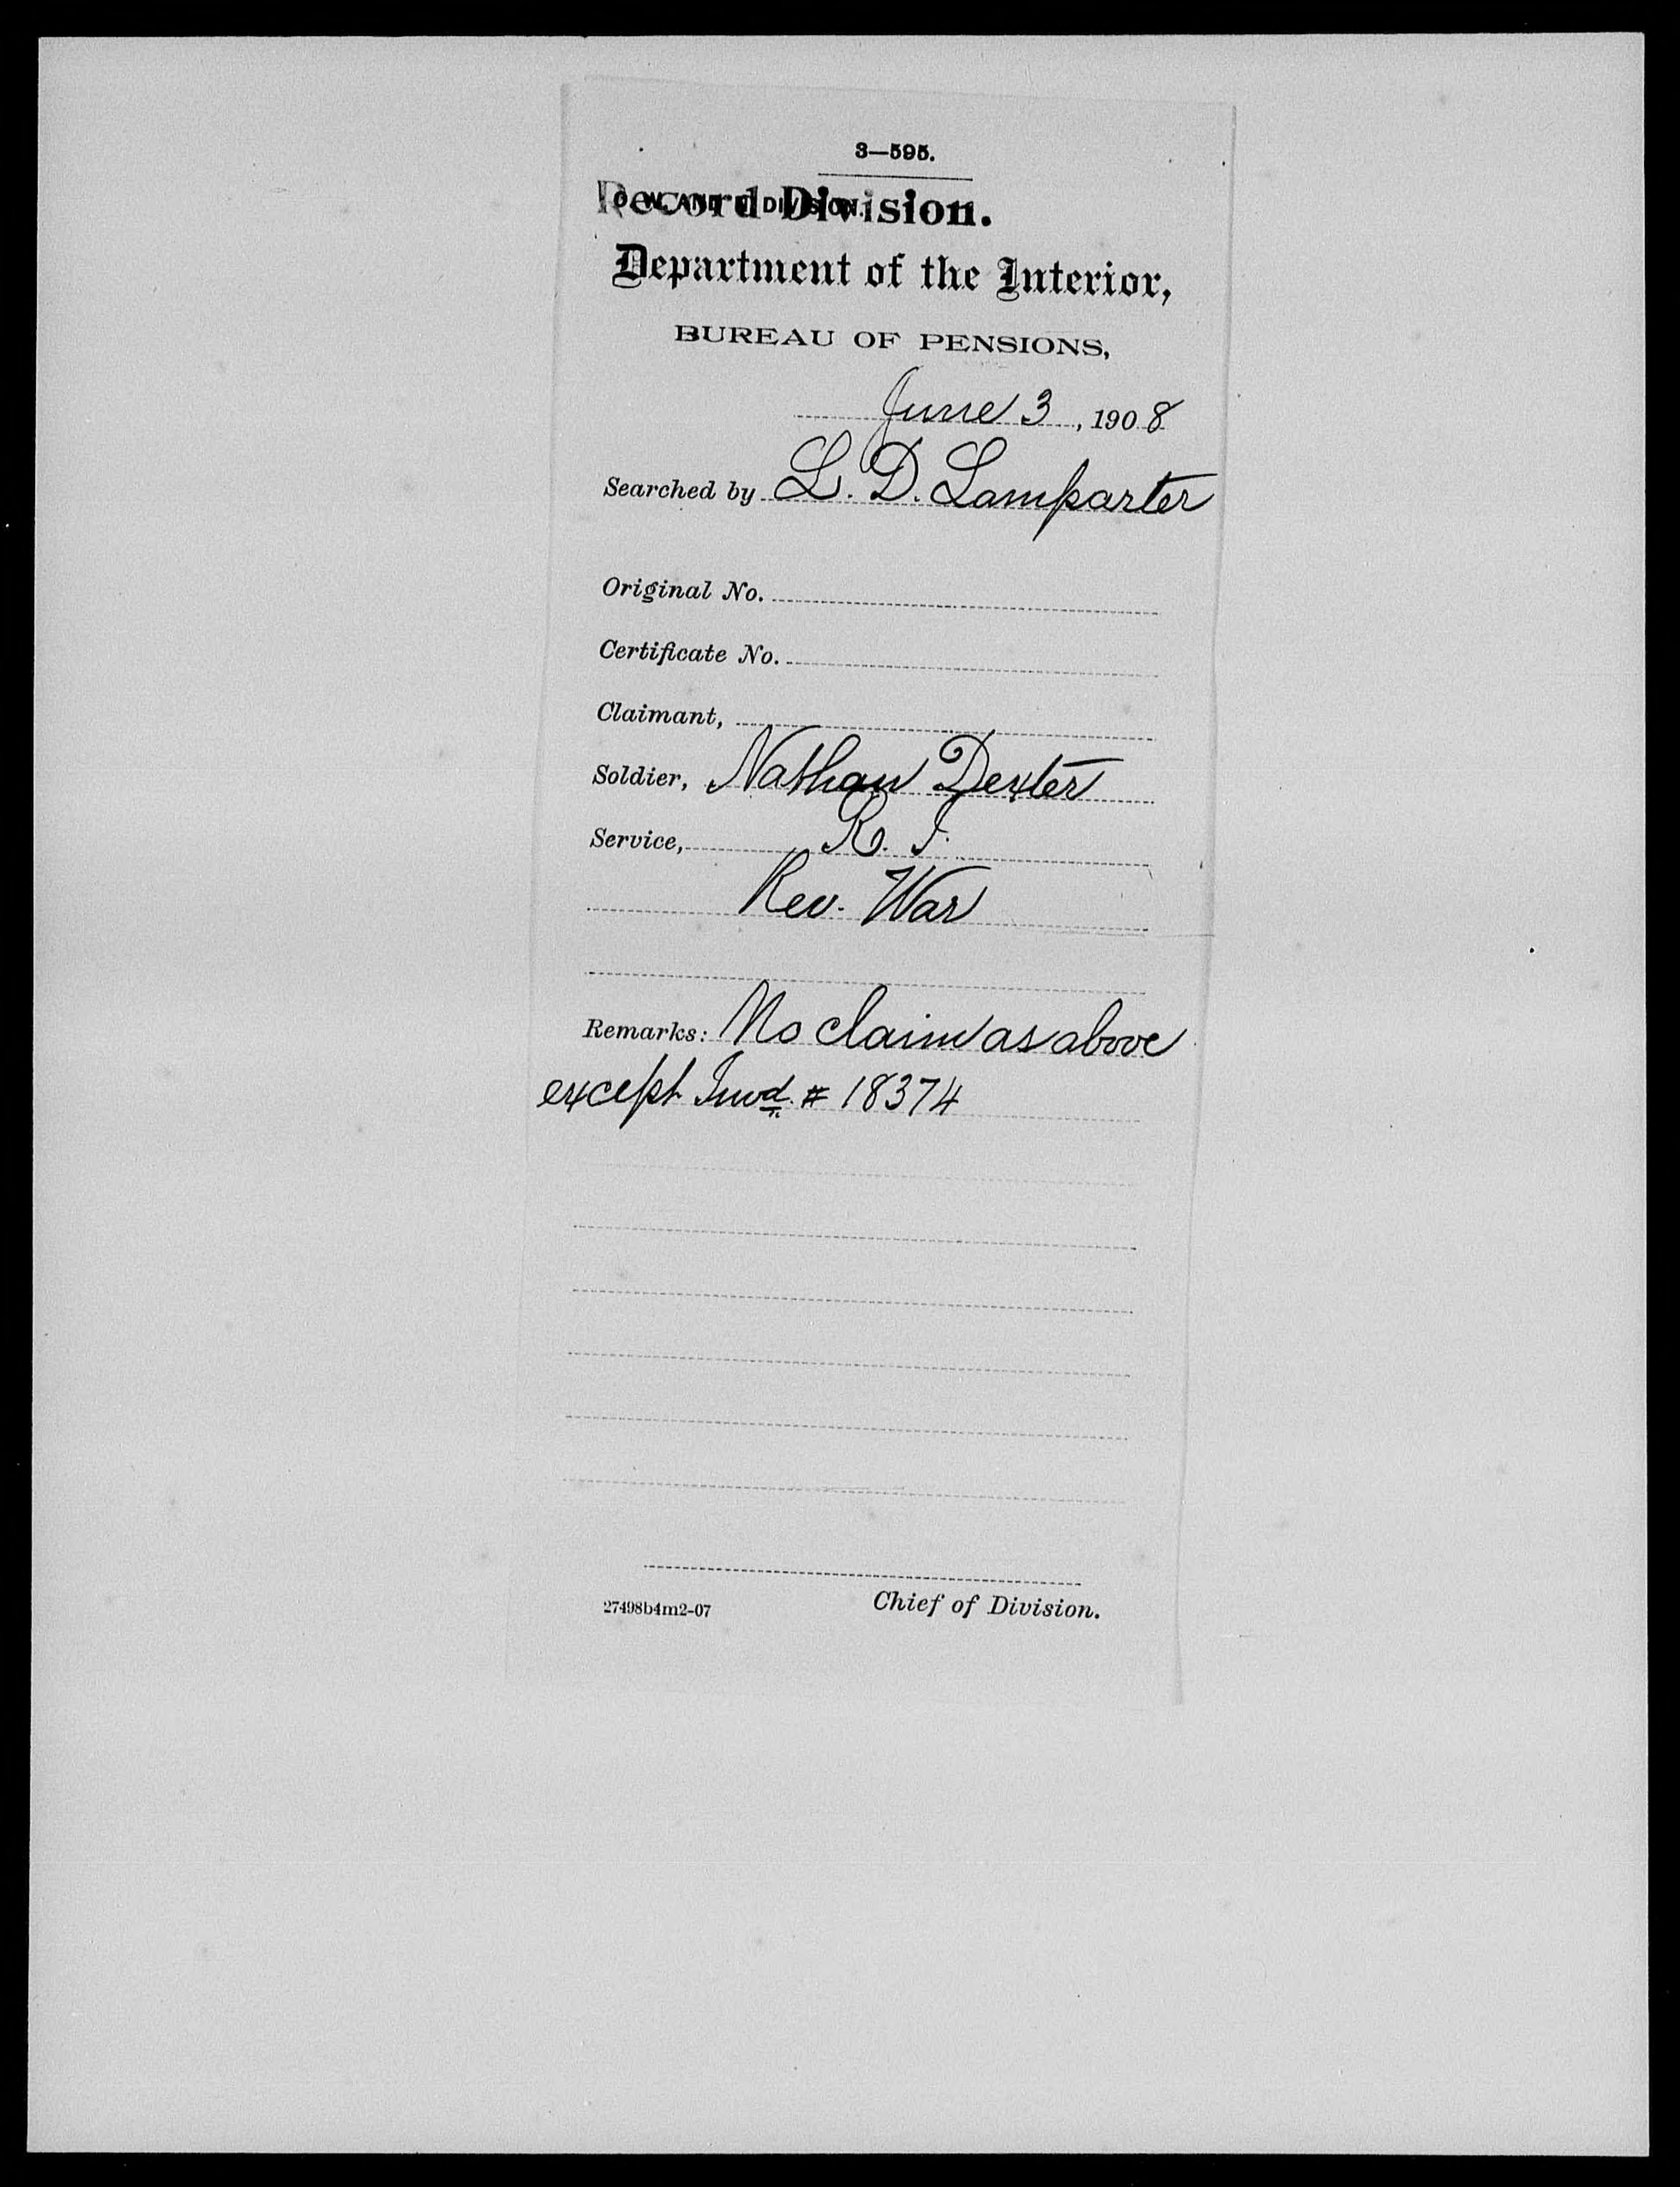3— 595.
Record Division.
Department of the Interior,
BUREAU OF PENSIONS.
June 3, 1908
Searched by L.D. Lamparter
Original No.
Certificate No.
Claimant,
Soldier, Nathan Dexter
Service, R. I.
Rev. War
Remarks: No claim as above
except Inv # 18374
27498b4m2-07
Chief of Division.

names: L D Lamparter, Nathan Dexter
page: 20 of 35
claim: survivor's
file: S. 18374, Nathan Dexter, R.I.